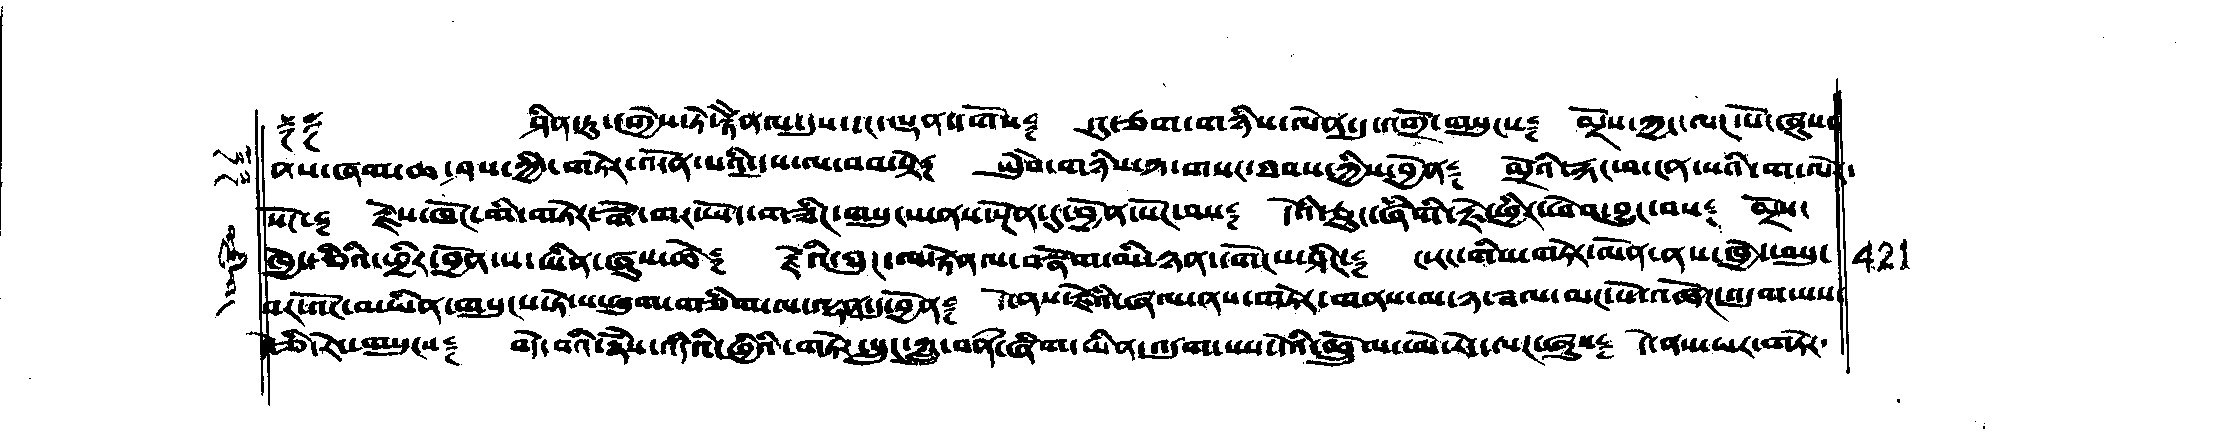ཤིན་ཏུ་དགྱེས་ཏེ་རྟེན་འབྲེལ་དུས་དང་ལྡན་དགོས། འུ་ཅག་གཉིས་ལེན་དུ་འགྲོ་གསུངས། མཁའ་འགྲོས་ཀྱང་ལགས་སོ་ཞུས་
ནས་ཞག་ཆ་ཤས་ཀྱི་གཏེར་འདོན་པའི་དུས་ལ་བབ་སྟེ། ཡབ་ཡུམ་གཉིས་ཀ་གསང་ཐབས་ཀྱིས་བྱོན། མཁའ་འགྲོའི་རྐང་བ་ངན་པས་ག་ལེར་
སོང་། རྗེས་ཁོང་གི་གཏེར་སྒོ་གར་ཡོད་གཟིགས་གསུངས་ནས་སྔོན་དུ་བྱོན་སོང་བས། དེའི་ཅུང་ཞིག་གི་རྗེ་ཕྱིར་ཕེབས་བྱུང་བས། མཁའ་འགྲོས་
ཁྱེད་ཅིའི་ཕྱིར་བྱོན་པ་ཡིན་ཞུས་ཚེ། རྗེའི་ཐུགས་ལ་རྟེན་འབྲེལ་བསྣོག་མི་ཉན་དགོངས་ཤིང་། ང་རང་གིས་གཏེར་ལོན་ནས་ཁྱེད་བསུ་
བར་འོང་བ་ཡིན་གསུངས་ཏེ་ས་ཕུག་གཅིག་ལ་ལྷན་དུ་བྱོན། དེ་ནས་རྗེའི་ཞལ་ནས་གཏེར་གནས་ལ་ཉ་སྦལ་མང་པོ་འཚོགས་འདུག་པས་
དེ་ཅི་རེད་གསུངས། བདེ་བའི་རྡོ་རྗེས་འདྀ་ཕྱིའི་གཏེར་སྲུང་ཀླུ་བཙན་ཞིག་ཡིན་འདུག་པས་དེའི་ཆོ་འཕྲུལ་ཨེ་རེད་ལགས་ཞུས། དེ་ནས་ཡར་གཏེར་